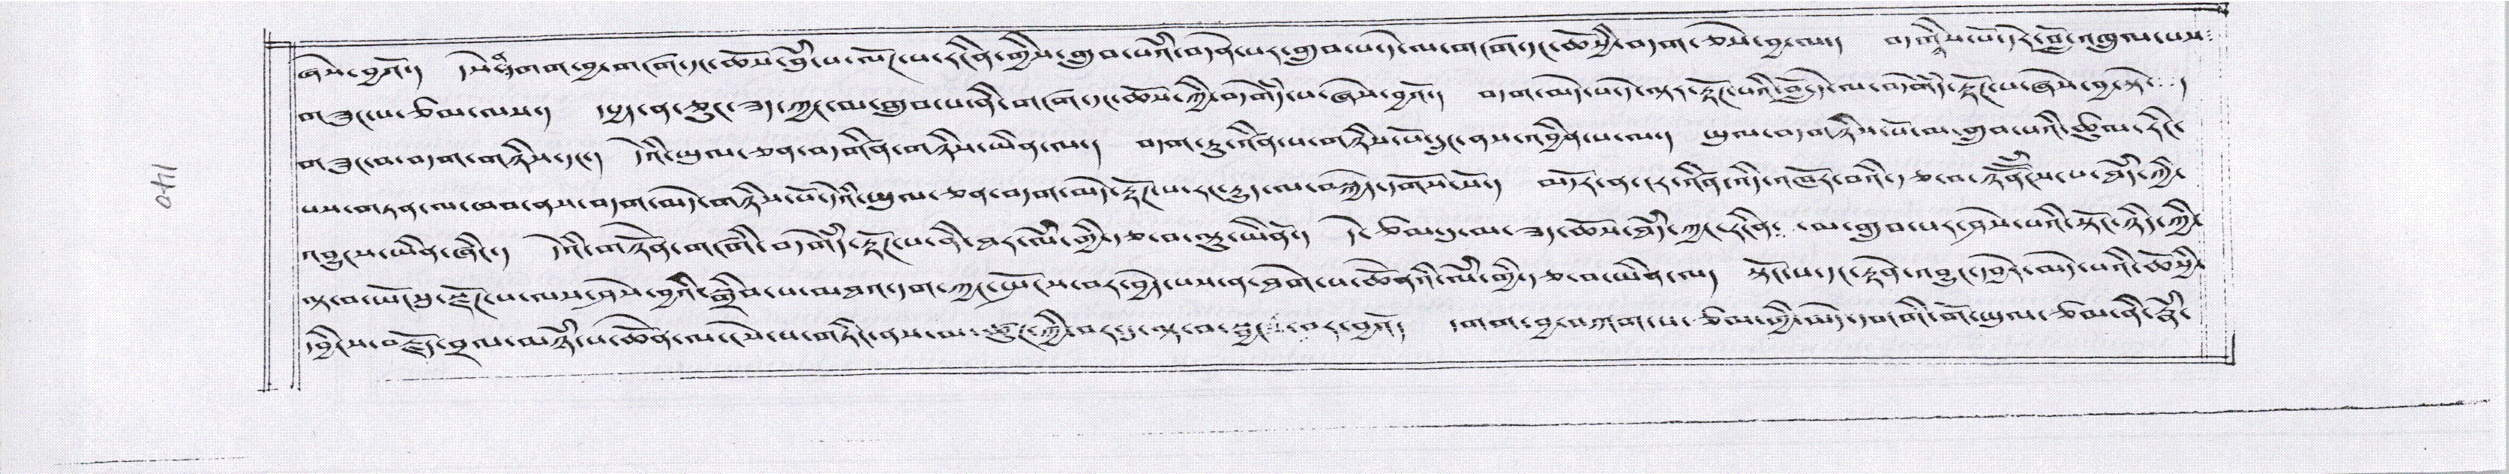བདག་གིས་དངོས་པོ་དེར་བློ་འཁྲུལ་པ་བཟུང་བ་ཙམ་ལས། དཔྱད་ན་ཅུང་ཟད་ཀྱང་མ་གྲུབ་པ་ནི་གང་ཟག་དང་ཆོས་ཀྱི་བདག་མེད་པ་ཞེས་བྱའོ། བདག་མེད་པ་དེ་ལྟར་རྟོགས་པའི་བློ་འཁྲུལ་པས་་་་་་་་་་་་་་
དེ་ལ་བདག་མེད་རྟོགས་པ་ཞེས་བྱ་སྟེ། 
བཟུང་བ་བདག་གཉིས་དང་། དེའི་ཡུལ་ཅན་བདག་འཛིན་གཉིས་ཡིན་ལ། བདག་ཏུ་འཛིན་པ་གཉིས་པོ་དྲུང་ནས་འབྱིན་པ་ལ་ཡུལ་བདག་གཉིས་པོ་མ་གྲུབ་པའི་ཚུལ་རིགས་
པས་གཏན་ལ་ཕབ་ནས་བདག་མེད་གཉིས་པོ་དེའི་ཡུལ་ཅན་བདག་མེད་རྟོགས་པ་རང་རྒྱུད་ལ་བསྐྱེད་དགོས་སོ། མདོར་ན་ངར་འཛིན་ནི་འཁོར་བའི་རྩ་བ་ཉོན་མོངས་པ་ཐམས་ཅད་ཀྱི་
འབྱུང་གནས་ཡིན་ཞིང་། དེའི་གཉེན་པོ་གང་ཟག་གི་བདག་མེད་རྟོགས་པ་ནི་ཐར་ལམ་གྱི་རྩ་བ་ལྟ་བུ་ཡིན་ནོ། དེ་ཙམ་དུ་མ་ཟད་ཆོས་ཐམས་ཅད་རང་བཞིན་དུ་མ་གྲུབ་པ་ཤེས་པའི་སྟོང་ཉིད་ཀྱི་
ལྟ་བ་ཡོངས་སུ་རྫོགས་པ་ལས་ཤེས་བྱའི་སྒྲིབ་པ་མཐའ་དག་ཀྱང་སྤོང་བར་བྱེད་པས་ན་ཐེག་པ་ཆེན་པོའི་ལམ་གྱི་རྩ་བ་ཡིན་ལ། སྟོང་པ་དང་རྟེན་འབྱུང་དབྱེར་མེད་པའི་ཆོས་ཀྱི་
དབྱིངས་བརྗོད་བྲལ་མཉམ་པ་ཆེན་པོ་ལ་ངེས་པ་གཏིང་ནས་མ་ཚུགས་ཀྱི་བར་དུ་ལྟ་བ་སྦྱང་བར་བྱའོ། །དགག་བྱ་བཀག་པ་ཙམ་གྱི་མེད་དགག་གི་གོ་ཡུལ་ཙམ་ནི་རྣམ་